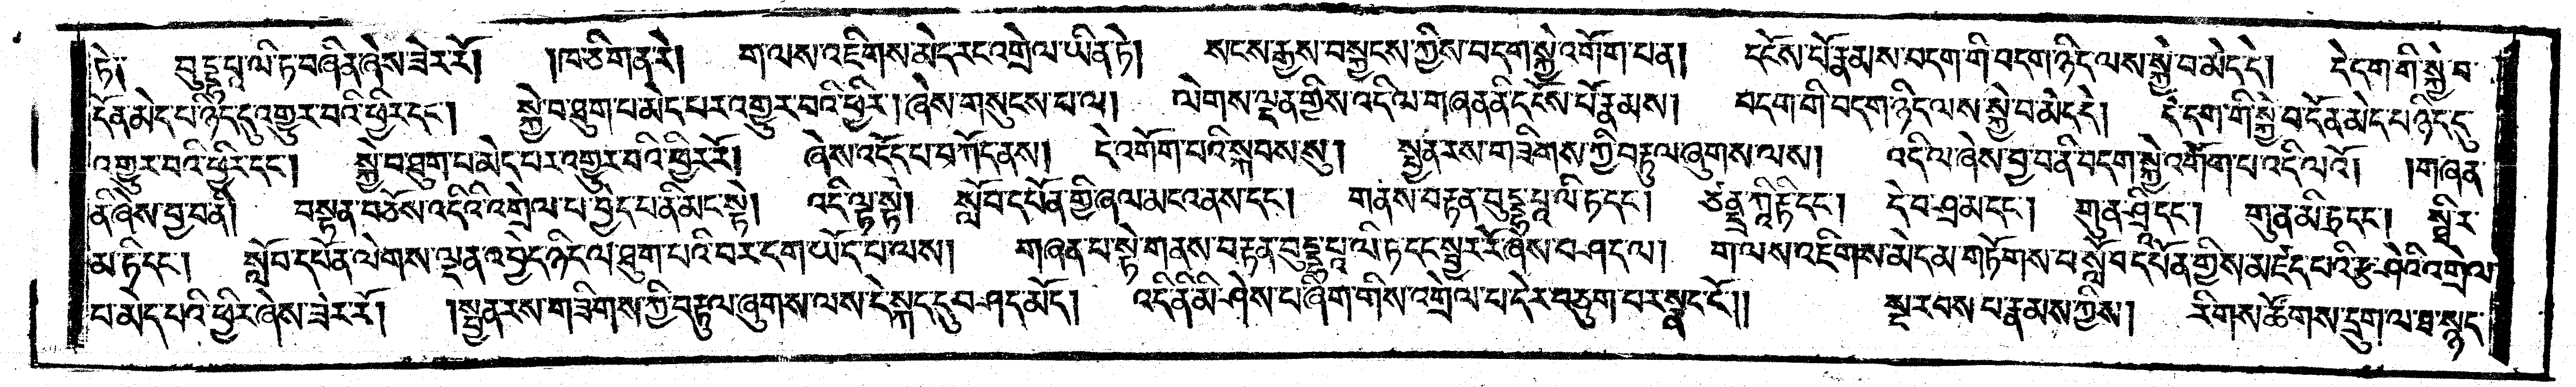ཏེ༑ བུདྡྷ་པཱ་ལི་ཏ་བཞིན་ཞེས་ཟེར་རོ། །ཁ་ཅིག་ན་རེ། ག་ལས་འཇིགས་མེད་རང་འགྲེལ་ཡིན་ཏེ། སངས་རྒྱས་བསྐྱངས་ཀྱིས་བདག་སྐྱེ་འགོག་པ་ན། དངོས་པོ་རྣམས་བདག་གི་བདག་ཉིད་ལས་སྐྱེ་བ་མེད་དེ། དེ་དག་གི་སྐྱེ་བ་
དོན་མེད་པ་ཉིད་དུ་འགྱུར་བའི་ཕྱིར་དང་། སྐྱེ་བ་ཐུག་པ་མེད་པར་འགྱུར་བའི་ཕྱིར། ཞེས་གསུངས་པ་ལ། ལེགས་ལྡན་གྱིས་འདི་ལ་གཞན་ནི་དངོས་པོ་རྣམས། བདག་གི་བདག་ཉིད་ལས་སྐྱེ་བ་མེད་དེ། དེ་དག་གི་སྐྱེ་བ་དོན་མེད་པ་ཉིད་དུ་
འགྱུར་བའི་ཕྱིར་དང་། སྐྱེ་བ་ཐུག་པ་མེད་པར་འགྱུར་བའི་ཕྱིར་རོ། ཞེས་འདོད་པ་བཀོད་ནས། དེ་འགོག་པའི་སྐབས་སུ། སྤྱན་རས་གཟིགས་ཀྱི་བརྟུལ་ཞུགས་ལས། འདི་ལ་ཞེས་བྱ་བ་ནི་བདག་སྐྱེ་འགོག་པ་འདི་ལའོ། །གཞན་
ནི་ཞེས་བྱ་བ་ནི། བསྟན་བཅོས་འདིའི་འགྲེལ་པ་བྱེད་པ་ནི་མང་སྟེ། འདི་ལྟ་སྟེ། སློབ་དཔོན་གྱི་ཞལ་མངའ་ནས་དང་། གནས་བརྟན་བུདྡྷ་པཱ་ལི་ཏ་དང་། ཙནྡྲ་ཀཱིརྟི་དང་། དེ་བ་ཤྲ་མ་དང་། གུ་ན་ཤྲཱི་དང་། གུ་ན་མི་ཏྲ་དང་། སྠི་ར་
མ་ཏི་དང་། སློབ་དཔོན་ལེགས་ལྡན་འབྱེད་ཉིད་ལ་ཐུག་པའི་བར་དག་ཡོད་པ་ལས། གཞན་པ་སྟེ་གནས་བརྟན་བུདྡྷ་པཱ་ལི་ཏ་དང་སྦྱར་རོ་ཞེས་བཤད་ལ། ག་ལས་འཇིགས་མེད་མ་གཏོགས་པ་སློབ་དཔོན་གྱིས་མཛད་པའི་རྩ་ཤེའི་འགྲེལ་
པ་མེད་པའི་ཕྱིར་ཞེས་ཟེར་རོ། །སྤྱན་རས་གཟིགས་ཀྱི་བརྟུལ་ཞུགས་ལས་དེ་སྐད་དུ་བཤད་མོད། འདི་ནི་མི་ཤེས་པ་ཞིག་གིས་འགྲེལ་པ་དེར་བཅུག་པར་སྣང་ངོ།། སྔ་རབས་པ་རྣམས་ཀྱིས། རིགས་ཚོགས་དྲུག་ལ་ཐ་སྙད་